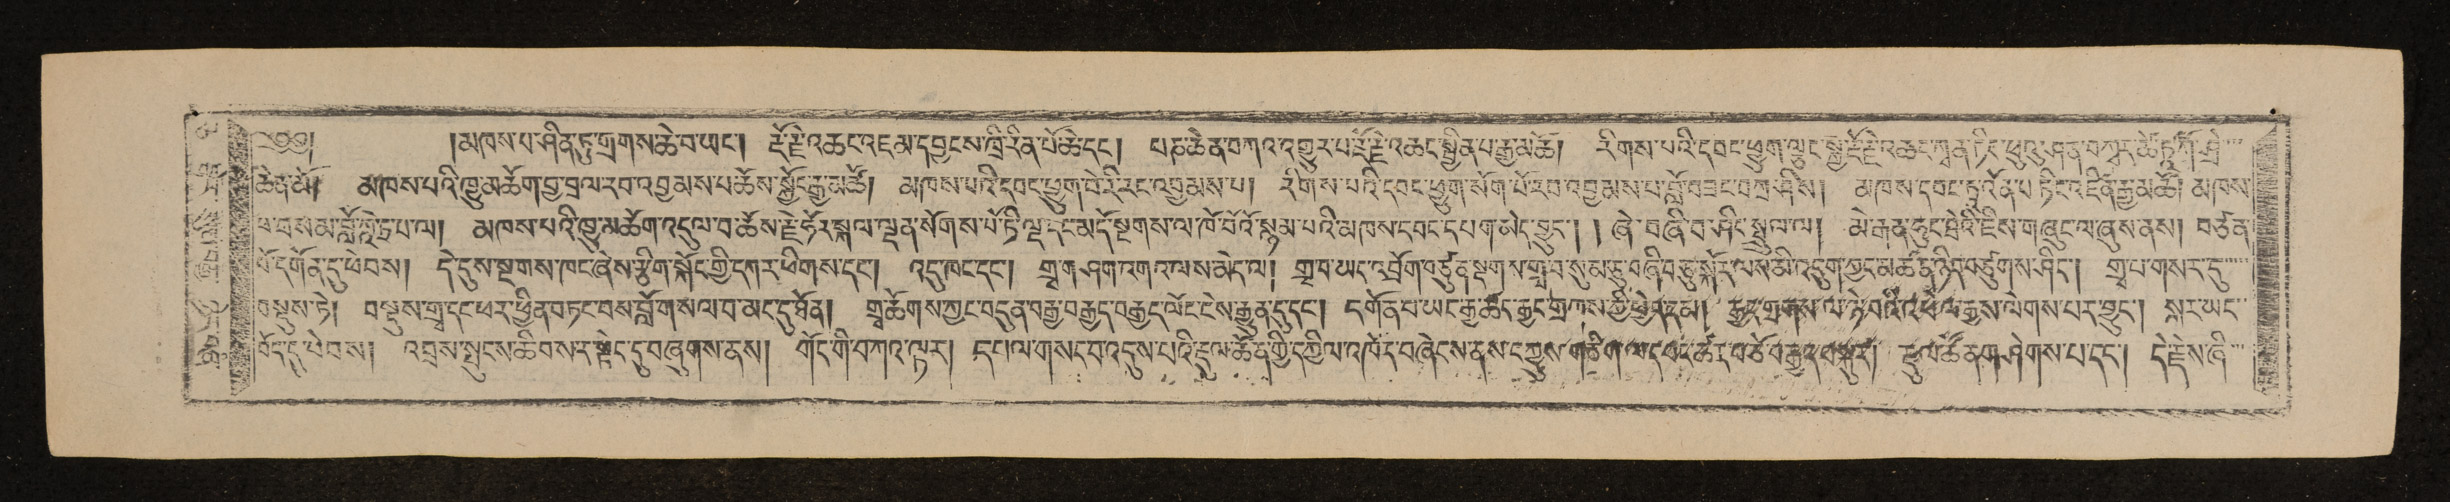༄༅། །མཁས་པ་ཤིན་ཏུ་གྲགས་ཆེ་བ་ཡང་། རྡོ་རྗེ་འཆང་འཇམ་དབྱངས་ཁྲི་རིན་པོ་ཆེ་དང་། པཎ་ཆེན་བཀའ་འགྱུར་པ་རྡོ་རྗེ་འཆང་སྦྱིན་བརྒྱ་མཚོ། རིགས་པའི་དབང་ཕྱུག་ལྕང་སྐྱ་རྡོ་རྗེ་འཆང་ཀྭན་ཏིང་ཕུའུ་ཤན་བ་ཀྭང་ཚོ་ཏཱ་ཀཽ་ཤྲི་
ཆེན་མོ། མཁས་པའི་ཁྱུ་མཆོག་བྱ་བྲལ་རབ་འབྱམས་པ་ཆོས་སྐྱོང་རྒྱ་མཚོ། མཁས་པའི་དབང་ཕྱུག་བེ་རི་རབ་འབྱམས་པ། རིགས་པའི་དབང་ཕྱུག་སོག་པོ་རབ་འབྱམས་པ་བློ་བཟང་བཀྲ་ཤིས། མཁས་དབང་ཏཱ་འོན་པ་ཏིང་འཛིན་རྒྱ་མཚོ། མཁས་
པ་བསམ་བློ་ཀྵེ་ཏྲ་པ་ལ། མཁས་པའི་ཁྱུ་མཆོག་འདུལ་བ་ཆོས་རྗེ་ཧོར་སྐལ་ལྡན་སོགས་པོ་ཏི་ལྔ་དང་མདོ་སྔགས་ལ་ཁོ་བོའི་སྙམ་པའི་མཁས་དབང་དཔག་མེད་བྱུང་། ཞེ་བཞི་བ་ཤིང་སྤྲུལ་ལ། མེ་རྒན་ཧུང་ཐེའི་ཇིས་གཞུང་ལ་ཞུས་ནས། ང་ཙན་
པོ་དགོན་དུ་ཕེབས། དེ་དུས་སྔགས་ཁང་ཞེས་རྩིག་སྐོར་གྱི་དཀར་ཕིགས་དང་། འདུ་ཁང་དང་། གྲྭ་གཤག་འགའ་ལས་མེད་ལ། གྲྭ་བ་ཡང་འབྲོག་བཙུན་སྔགས་གྲྭ་བ་སུམ་ཅུ་བཞི་བཅུ་སྐོར་ལས་མི་འདུག་ཀྱང་མཚན་ཉིད་བཙུགས་ཤིང་། གྲྭ་པ་གསང་དུ་
བསྡུས་ཏེ། བསྡུས་གྲྭ་དང་ཕང་ཕྱིན་བཏང་པས་བློ་གསལ་པ་མང་དུ་ཐོན། གྲྭ་ཚོགས་ཀྱང་བདུན་བརྒྱ་བརྒྱད་བརྒྱར་ལོང་ངེས་རྒྱུན་དུ་དང་། དགོན་བ་ཡང་རྒྱ་ཚད་རྒྱང་གྲགས་ཀྱི་ཕྱེད་དམ། རྒྱང་གྲགས་ལ་ཉེ་བའི་འཕེལ་རྒྱས་ལེགས་པར་བྱུང་། སླར་ཡང་
པོད་དུ་ཕེབས། འབྲས་སྲུངས་ཆིབས་ར་སྟེང་དུ་བཞུགས་ནས། གོང་གི་བཀའ་ལྟར། དཔལ་གསང་བ་འདུས་པའི་རྡུལ་ཚོན་གྱི་དཀྱིལ་འཁོར་བཞེངས་ནས་དཀྱུས་གཅིག་ལ་དབང་ཚར་བཅོ་བརྒྱད་བསྐུར། རྡུལ་ཚོན་གཤེགས་པ་དང་། དེ་རྗེས་ཞི་